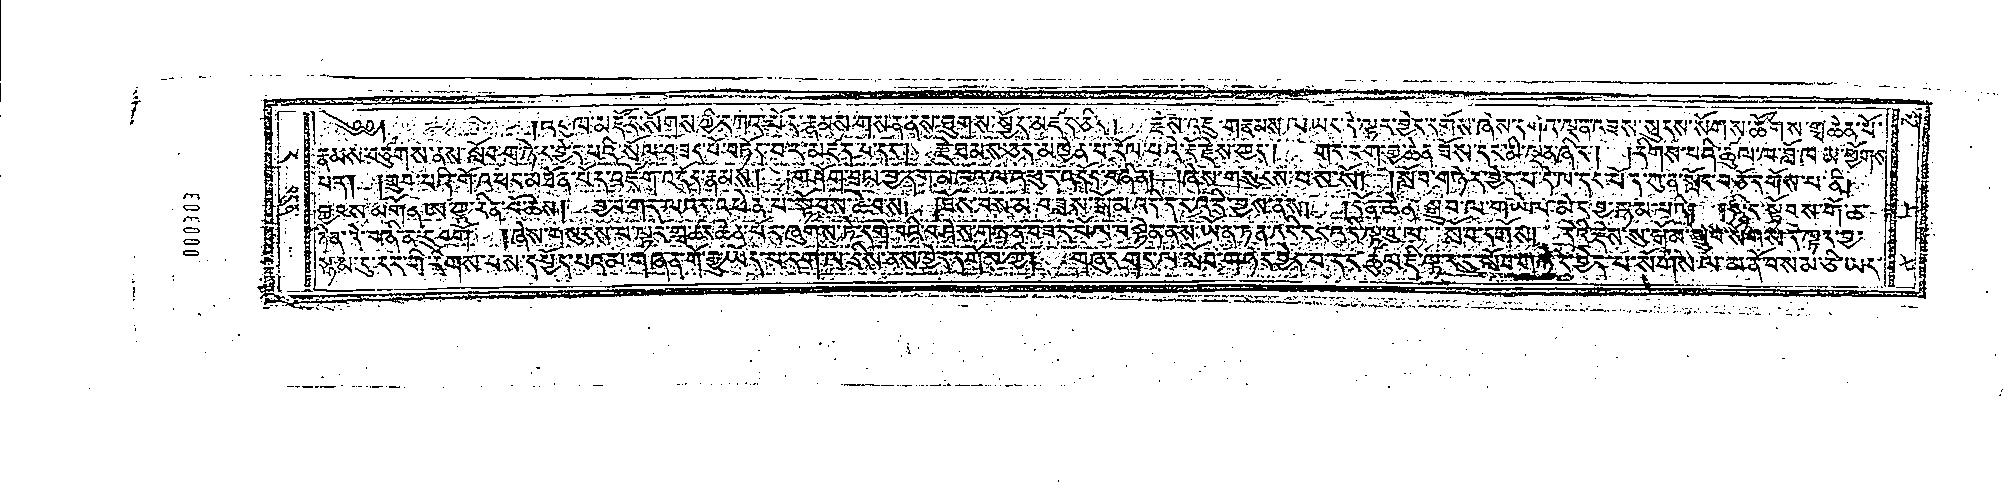༄༅། །འདུལ་མཛོད་སོགས་ཀྱི་དཀའ་པོད་རྣམས་གསན་ནས་ཐུགས་སྦྱོད་མཛད་ཅིང་། རྗེས་འཇུག་རྣམས་ལ་ཡང་དེ་ལྟར་བྱེད་དགོས་ཞེས་དགའ་ལྡན་འབྲས་སྦུངས་སོགས་ཚོགས་གྲྭ་ཆེན་པོ་
རྣམས་བཙུགས་ནས་སློབ་གཉེར་བྱེད་པའི་སྲོལ་བཟང་པོ་བཏོད་བར་མཛད་པ་དང་། རྗེ་ཐམས་ཅད་མཁྱེན་པ་རོལ་པའི་རྡོ་རྗེས་ཀྱང་། གང་ངག་རྒྱ་ཆེན་ཐོས་དང་མི་ལྡན་ཞིང་། །རིགས་པའི་ཚུལ་ལ་བློ་ཁམ་ཕྱོགས་
པར། །གྲུབ་པའི་གོ་འཕང་མཐོན་པོར་འཛེག་འདོད་རྣམས། །གཤོག་བྲལ་བྱ་དག་མཁའ་ལ་འཕུར་འདོད་བཞིན། །ཞེས་གསུངས་པས་སོ། །སློབ་གཉེར་བྱེད་པ་དེ་ལ་དང་པོར་ཀུན་སློང་བཅོ་དགོས་པ་ནི།
སྐྱབས་མགོན་ཨ་ཀྱཱ་རིན་པོ་ཆེས། བྱ་བ་གང་ལའང་འཕེན་པ་སྟོབས་ཆེ་བས། །ཐོས་བསམ་བཟླས་སྒོམ་འདི་དང་འདི་བྱས་ནས། །དོན་ཆེན་སྒྲུབ་ལ་གཡེལ་མེད་བྱ་སྙམ་པའི། །སྙིང་སྟོབས་གོ་ཆ་
ཉིན་རེ་བཞིན་དུ་བགོ། །ཞེས་གསུངས་པ་ལྟར་གྲྭ་ཚང་ཆེན་པོར་ཞུགས་ཏེ་དགེ་བའི་བཤེས་གཉན་བཟང་པོ་ལ་བསྟེན་ནས་ཡོན་ཏན་འདི་དང་འདི་ལྟ་བུ་ལ་སློབ་དགོས། དེའི་རྗེས་སུ་སྒོམ་སྒྲུབ་སོགས་དེ་ལྟར་བྱ་
སྙམ་དུ་རང་གི་རིགས་པས་དཔྱོད་པའམ་གཞན་གོ་རྒྱུ་ཡོད་པ་དག་ལ་དྲིས་ནས་བྱེད་དགོས་ཀྱི། གཞུང་གང་ལ་སློབ་གཉེར་བྱེད་བ་དང་ཚུལ་ཇི་ལྟར་དུ་སློབ་གཉེར་བྱེད་པ་སོགས་ལ་མནོ་བསམ་ཅི་ཡང་